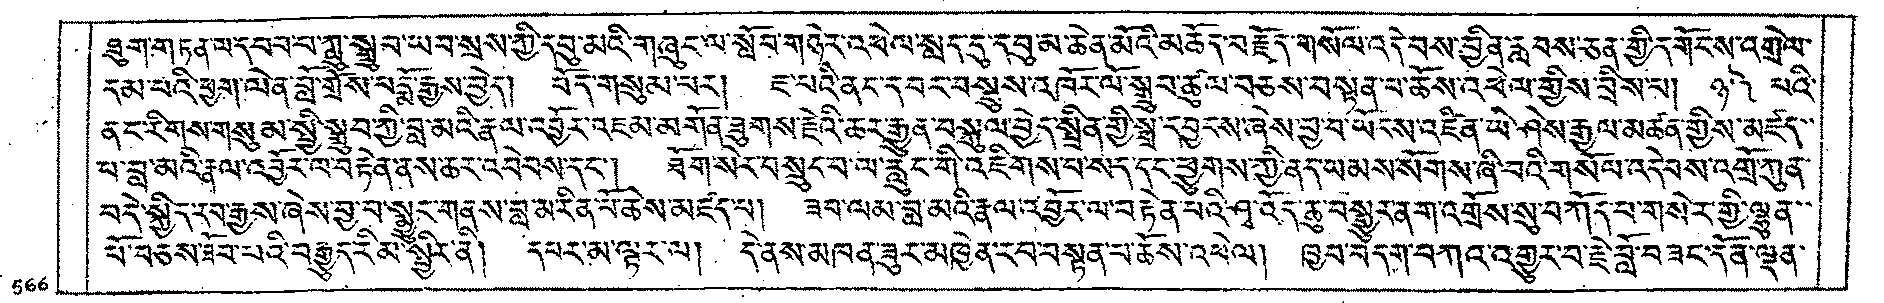ཐུག་གཏན་ལ་དབབ་པ་ཀླུ་སྒྲུབ་ཡབ་སྲས་ཀྱི་དབུ་མའི་གཞུང་ལ་སློབ་གཉེར་འཕེལ་སླད་དུ་དབུ་མ་ཆེན་མོའི་མཆོད་བརྗོད་གསོལ་འདེབས་བྱིན་རླབས་ཅན་གྱི་དགོངས་འགྲེལ་
དམ་པའི་ཕྱག་ལེན་བློ་གྲོས་པདམོ་རྒྱས་བྱེད། པོད་གསུམ་པར། ཇ་པའི་ནང་དབང་བསྡུས་འཁོར་ལོ་སྒྲུབ་ཚུལ་བཅས་བསྟན་པ་ཆོས་འཕེལ་གྱིས་བྲིས་པ། ཉ྄་པའི་
ནང་རིགས་གསུམ་སྤྱི་སྒྲུབ་ཀྱི་བླ་མའི་རྣལ་འབྱོར་འཇམ་མགོན་ཐུགས་རྗེའི་ཆར་རྒྱུན་བསྐུལ་བྱེད་སྤྲིན་གྱི་སྒྲ་དབྱངས་ཞེས་བྱ་བ་ཡོངས་འཛིན་ཡེ་ཤེས་རྒྱལ་མཚན་གྱིས་མཛད་
པ་བླ་མའི་རྣལ་འབྱོར་ལ་བརྟེན་ནས་ཆར་འབེབས་དང་། ཐོག་སེར་བསྲུང་བ་ལ་རླུང་གི་འཇིགས་པ་སད་དང་ཕྱུགས་ཀྱི་ནད་ཡམས་སོགས་ཞི་བའི་གསོལ་འདེབས་འགྲོ་ཀུན་
བདེ་སྐྱིད་རབ་རྒྱས་ཞེས་བྱ་བ་སྨྱུང་གནས་བླ་མ་རིན་པོ་ཆེས་མཛད་པ། ཟབ་ལམ་བླ་མའི་རྣལ་འབྱོར་ལ་བརྟེན་པའི་ཤྭ་འོད་ཆུ་བསྒྱུར་ནག་འགྲོས་སུ་བཀོད་པ་གསེར་གྱི་ལྷུན་
པོ་བཅས་ཐོབ་པའི་བརྒྱུད་རིམ་སྤྱིར་ནི། དཔར་མ་ལྟར་ལ། དེ་ནས་མཁན་ཟུར་མཁྱེན་རབ་བསྟན་པ་ཆོས་འཕེལ། ཁྱབ་བདག་བཀའ་འགྱུར་བ་རྗེ་བློ་བཟང་དོན་ལྡན་